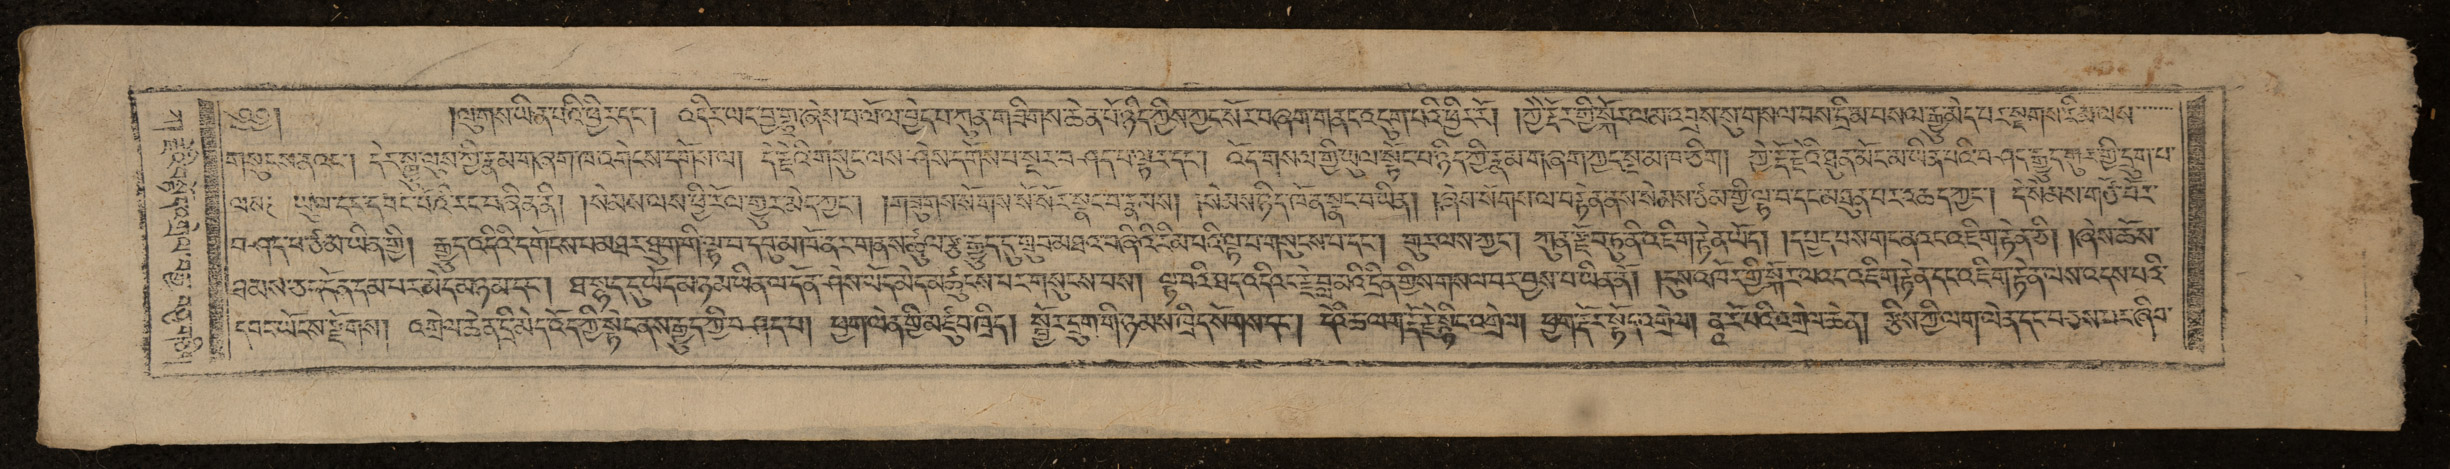༄༅། །ལུགས་ཡིན་པའི་ཕྱིར་དང་། འདིར་ཡང་བྱ་གྷྲ་ཞེས་པ་ལོ་ལ་བྱེད་པ་ཀུན་གཟིགས་ཆེན་པོ་ཉིད་ཀྱིས་གྱང་སོར་བཞག་གནང་འདུག་བའི་ཕྱིར་རོ། །ཀྱཻ་རྡོར་གྱི་སྐོར་ལམ་འབྲས་སུ་གསལ་བས་དྲི་མ་བསལ་རྒྱུ་མེད་པར་སྔགས་རིམ་ལས་
གསུངས་ནའང་། དེར་སྒྱུ་ལུས་ཀྱི་རྣམ་གཞག་ཁ་འགེངས་དགོས་ལ། དེ་རྗེའི་གསུང་ལས་ཤེས་དགོས་པ་སྔར་བཤད་པ་ལྟར་དང་། འོད་གསལ་གྱི་ཡུལ་སྟོང་པ་ཉིད་ཀྱི་རྣམ་གཞག་ཀྱང་སྡམ་ཁ་ཅིག། ཀྱཻ་རྡོ་རྗེའི་ཐུན་མོང་མ་ཡིན་པའི་བཤད་རྒྱུད་གུར་གྱི་དྲུག་པ་
ལས། ཡུལ་དང་དབང་པོའི་རང་བཞིན་ནི། །སེམས་ལས་ཕྱི་རོལ་གྱུར་མེད་ཀྱང་། །གཟུགས་སོགས་སོ་སོར་སྣང་པ་རྣམས། །སེམས་ཉིད་ཁོ་ན་སྣང་བ་ཡིན། །ཞེས་སོགས་ལ་བརྟེན་ནས་སེམས་ཙམ་གྱི་ལྟ་བ་དང་མཐུན་བར་འཆད་ཀྱང་། དེ་སེམས་གཙོ་བོར་
བཤད་པ་ཙམ་ཡིན་གྱི། རྒྱུད་འདིའི་དགོངས་པ་མཐར་ཐུག་གི་ལྟ་བ་དབུ་མ་ཁོ་ནར་གནས་ཚུལ་རྩ་རྒྱུད་དུ་གྲུབ་མཐའ་བཞིའི་རིམ་པའི་ལྟ་པ་གསུངས་པ་དང་། གུར་ལས་ཀྱང་། ཀུན་རྫོབ་ཏུ་ནི་འཇིག་རྟེན་ཡོད། །དབྱད་པས་གིར་ནའང་འཇིག་རྟེན་ཅི། །ཞེས་ཆོས་
ཐམས་ཅད་དོན་དམ་པར་མེད་མཉམ་དང་། ཐ་སྙད་དུ་ཡོད་མཉམ་ཡིན་ལ་དོན་ཤེས་ཡོད་མེད་མཚུངས་པར་གསུངས་པས། ལྟ་བའི་ཐད་འདིའང་རྗེ་བླ་མའི་དྲིན་གྱིས་གསལ་བར་བྱས་བ་ཡིན་ནོ། །དུས་འཁོར་གྱི་སྐོར་ལའང་འཇིག་རྟེན་དང་འཇིག་རྟེན་ལས་འདས་པའི་
དབང་ཡོངས་རྫོགས། འགྲེལ་ཆེན་དྲི་མེད་འོད་ཀྱི་སྟེང་ནས་རྒྱུད་ཀྱི་བཤད་པ། ཕྱག་ལིན་གྱི་མཛུབ་ཁྲིད། སྦྱོར་དྲུག་གི་ཉམས་ཁྲིད་སོགས་དང་། དེའི་ཆ་ལག་རྡོ་རྗེ་སྙིང་འགྲེལ། ཕྱག་རྡོར་སྟོད་འགྲེལ། ནཱ་རོ་བའི་འགྲེལ་ཆེན། རྩིས་ཀྱི་ལག་ལེན་དབང་བཅས་པར་ཞིབ་